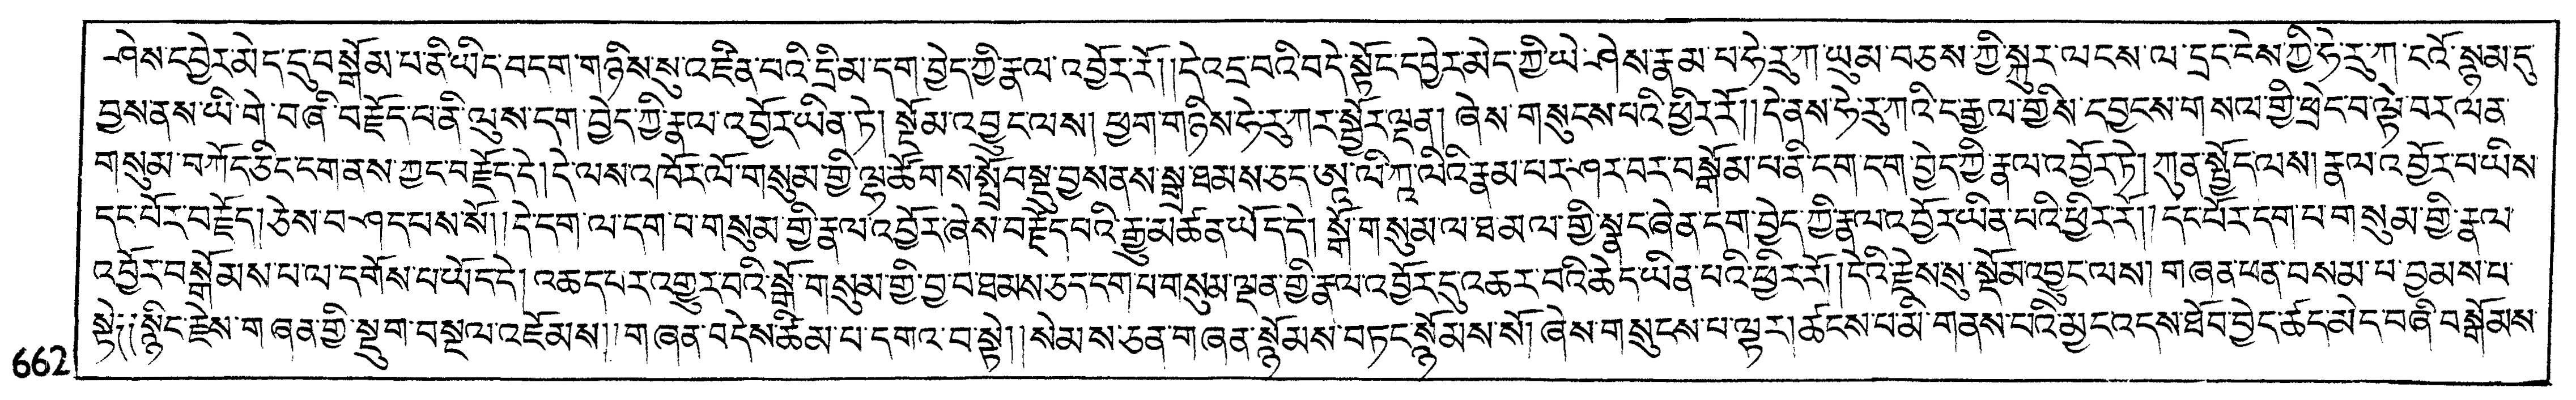ཤེས་དབྱེར་མེད་དུ་བསྒོམ་པ་ནི་ཡིད་བདག་གཉིས་སུ་འཛིན་པའི་དྲི་མ་དག་བྱེད་ཀྱི་རྣལ་འབྱོར་རོ། །དེ་འདྲ་བའི་བདེ་སྟོང་དབྱེར་མེད་ཀྱི་ཡེ་ཤེས་རྣམ་པ་ཧེ་རུ་ཀ་ཡུམ་བཅས་ཀྱི་སྐུར་ལངས་ལ་དྲང་ངེས་ཀྱི་ཧེ་རུ་ཀ་ངའོ་སྙམ་དུ་
བྱས་ནས་ཡི་གེ་བཞི་བརྗོད་པ་ནི་ལུས་དག་བྱེད་ཀྱི་རྣལ་འབྱོར་ཡིན་ཏེ། སྡོམ་འབྱུང་ལས། ཕྱག་གཉིས་ཧེ་རུ་ཀར་སྦྱོར་ལྡན། ཞེས་གསུངས་པའི་ཕྱིར་རོ། །དེ་ནས་ཧེ་རུ་ཀའི་ང་རྒྱལ་གྱིས་དབྱངས་གསལ་གྱི་ཕྲེང་བ་ལྟེ་བར་ལན་
གསུམ་བཀོད་ཅིང་ངག་ནས་ཀྱང་བརྗོད་དེ། དེ་ལས་འཁོར་ལོ་གསུམ་གྱི་ལྷ་ཚོགས་སྤྲོ་བསྡུ་བྱས་ནས་སྒྲ་ཐམས་ཅད་ཨཱ་ལི་ཀཱ་ལིའི་རྣམ་པར་ཤར་བར་བསྒོམ་པ་ནི་ངག་དག་བྱེད་ཀྱི་རྣལ་འབྱོར་ཏེ། ཀུན་སྤྱོད་ལས། རྣལ་འབྱོར་པ་ཡིས་
དང་པོར་བརྗོད། ཅེས་བཤད་པས་སོ། །དེ་དག་ལ་དག་པ་གསུམ་གྱི་རྣལ་འབྱོར་ཞེས་བརྗོད་པའི་རྒྱུ་མཚན་ཡོད་དེ། སྒོ་གསུམ་ལ་ཐ་མལ་གྱི་སྣང་ཞེན་དག་བྱེད་ཀྱི་རྣལ་འབྱོར་ཡིན་པའི་ཕྱིར་རོ། །དང་པོར་དག་པ་གསུམ་གྱི་རྣལ་
འབྱོར་བསྒོམས་པ་ལ་དགོས་པ་ཡོད་དེ། འཆད་པར་འགྱུར་བའི་སྒོ་གསུམ་གྱི་བྱ་བ་ཐམས་ཅད་དག་པ་གསུམ་ལྡན་གྱི་རྣལ་འབྱོར་དུ་འཆར་བའི་ཆེད་ཡིན་པའི་ཕྱིར་རོ། །དེའི་རྗེས་སུ་སྡོམ་འབྱུང་ལས། གཞན་ཕན་བསམ་པ་བྱམས་པ་
སྟེ༑ ༑སྙིང་རྗེས་གཞན་གྱི་སྡུག་བསྔལ་འཇོམས། །གཞན་བདེས་ཚིམ་པ་དགའ་བ་སྟེ། །སེམས་ཅན་གཞན་སྙོམས་བཏང་སྙོམས་སོ། ཞེས་གསུངས་པ་ལྟར། ཚངས་པ་མི་གནས་པའི་མྱང་འདས་ཐོབ་བྱེད་ཚད་མེད་བཞི་བསྒོམས་